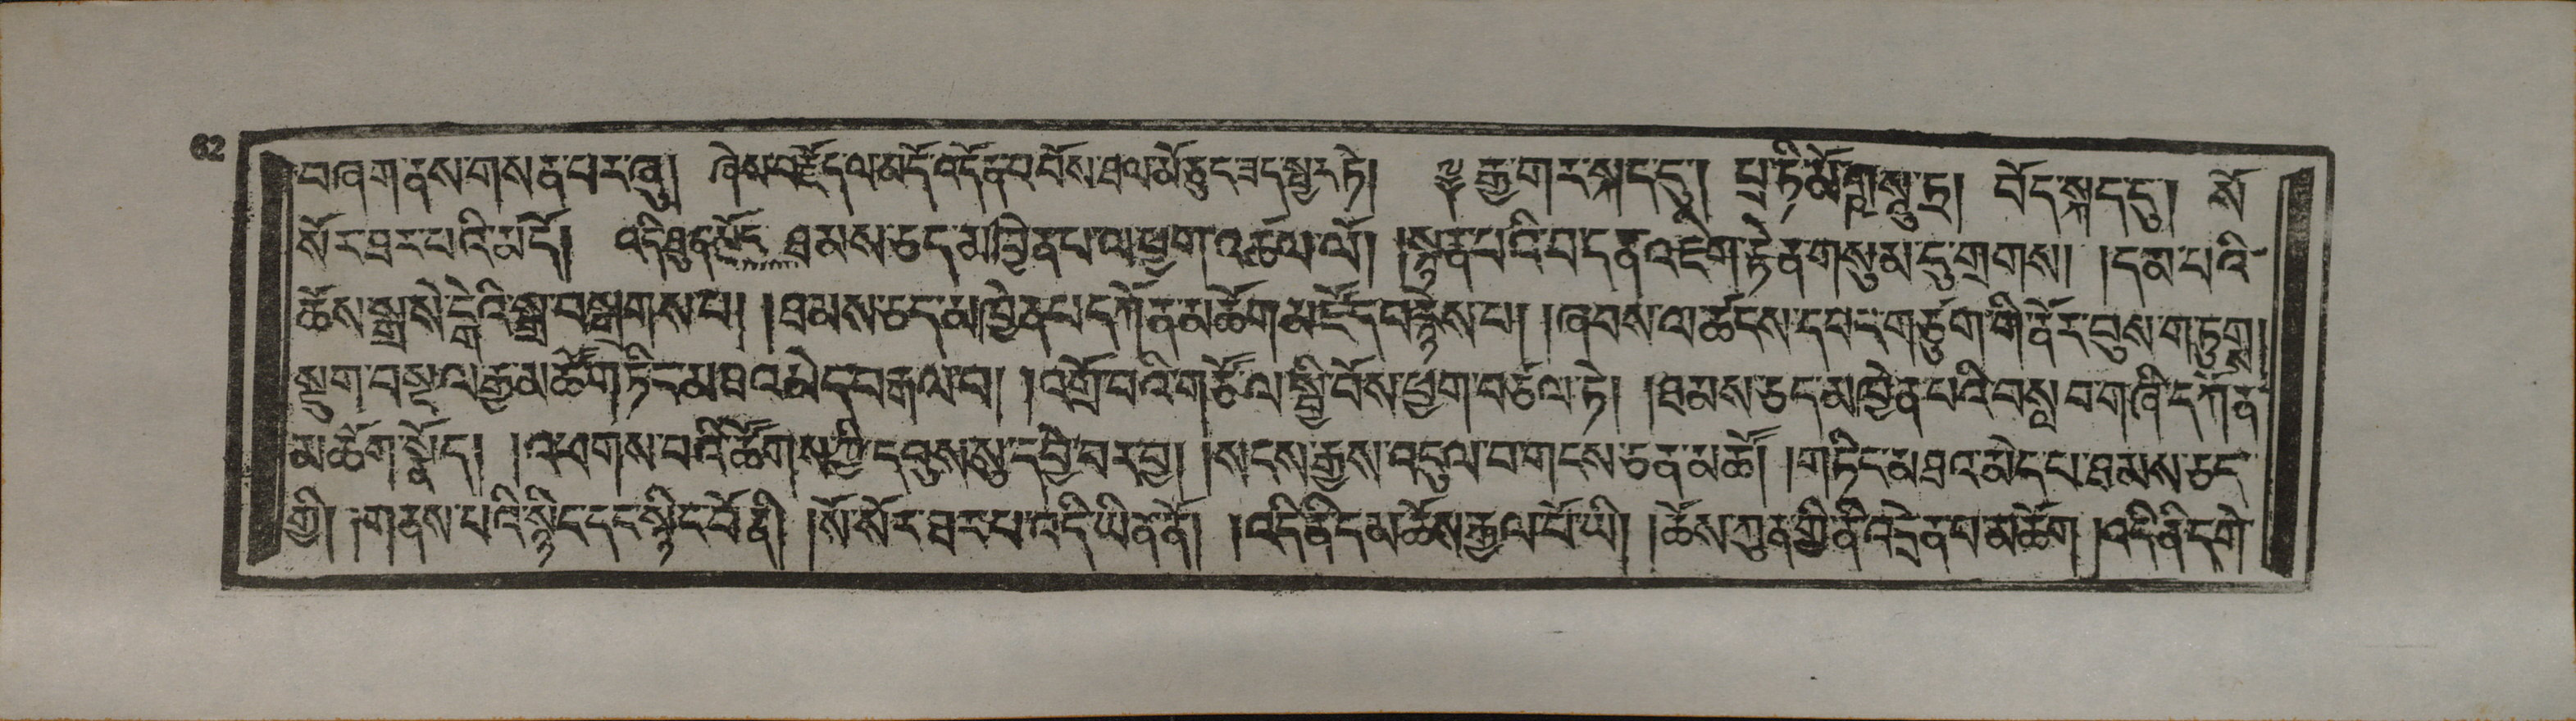བཞག་ནས་གསན་པར་ཞུ། ཞེས་བརྗོད་ལ་མདོ་འདོན་པ་པོས་ཐལ་མོ་ཅུང་ཟད་སྦྱར་ཏེ།  ༈ རྒྱ་གར་སྐད་དུ། པྲ་ཏི་མོ་ཀྵ་སཱུ་ཏྲ། བོད་སྐད་དུ། སོ་
སོར་ཐར་པའི་མདོ། འདི་ཐུན་མོང་ཐམས་ཅད་མཁྱེན་པ་ལ་ཕྱག་འཚལ་ལོ། །སྙན་པའི་བ་དན་འཇིག་རྟེན་གསུམ་དུ་གྲགས། །དམ་པའི་
ཆོས་སྒྲ་སེངྒེའི་སྒྲ་བསྒྲགས་པ། །ཐམས་ཅད་མཁྱེན་པ་དཀོན་མཆོག་མཛོད་བརྙེས་པ། །ཞབས་ལ་ཚངས་དབང་གཙུག་གི་ནོར་བུས་གཏུགས།
སྡུག་བསྔལ་རྒྱ་མཚོ་གཏིང་མཐའ་མེད་བརྒལ་བ། །འགྲོ་བའི་གཙོ་ལ་སྤྱི་བོས་ཕྱག་བཙལ་ཏེ། །ཐམས་ཅད་མཁྱེན་པའི་བསླབ་གཞི་དཀོན་
མཆོག་སྣོད། །འཕགས་པའི་ཚོགས་ཀྱི་དབུས་སུ་དབྱེ་བར་བྱ། །སངས་རྒྱས་འདུལ་བ་གངས་ཅན་མཚོ། །གཏིང་མཐའ་མེད་པ་ཐམས་ཅད་
གྱི། །གནས་པའི་སྙིང་དང་སྙིང་པོ་ནི། །སོ་སོར་ཐར་པ་འདི་ཡིན་ནོ། །འདི་ནི་དམ་ཆོས་རྒྱལ་པོ་ཡི། །ཆོས་ཀུན་གྱི་ནི་འདྲེན་པ་མཆོག །འདི་ནི་དགེ་